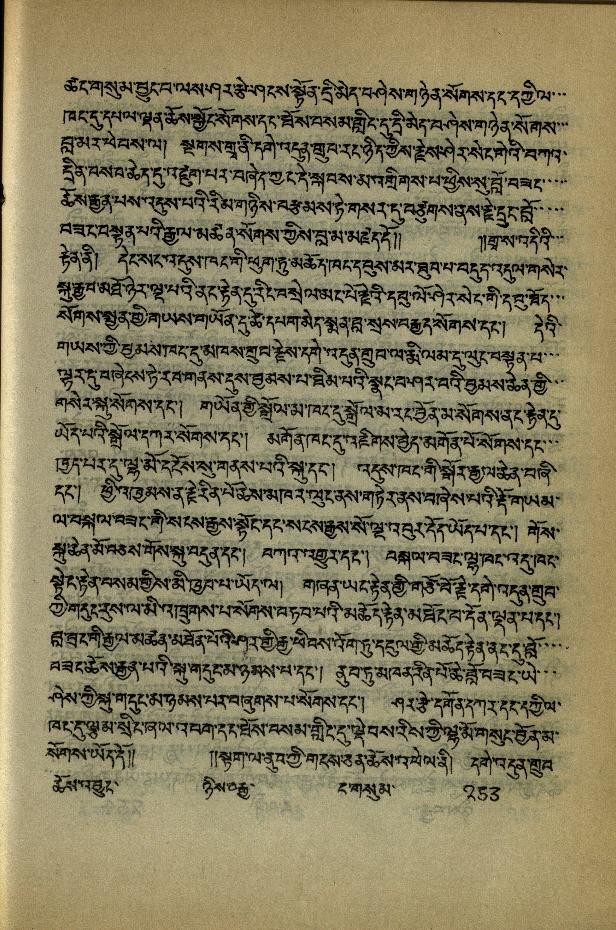ཚང་གསུམ་བྱུང་བ་ལས་ཤར་རྩེ་ཤངས་སྟོན་དྲི་མེད་བཤེས་གཉེན་སོགས་དང་དཀྱིལ་
ཁང་དུ་དཔལ་ལྡན་ཆོས་སྐྱོང་སོགས་དང་ཐོས་བསམ་གླིང་དུ་དྲི་མེད་བཤེས་གཉེན་སོགས་
བླ་མར་ཕེབས་ལ། སྔགས་གྲྭ་ནི་དགེ་འདུན་གྲུབ་པ་རང་ཉིད་ཀྱིས་རྗེས་ཤེར་སེང་གེའི་བཀའ་
དྲིན་བསབ་ཆེད་དུ་འཛུག་པར་བཞེད་ཀྱང་དེ་སྐབས་མ་འགྲིགས་པ་ཕྱིས་སུ་བློ་བཟང་
ཆོས་རྒྱན་པས་འདུས་པའི་རིམ་གཉིས་བརྩམས་ཏེ་གསར་དུ་བཙུགས་ནས་རྗེ་དྲུང་བློ་
བཟང་བསྟན་པའི་རྒྱལ་མཚན་སོགས་ཀྱིས་བླ་མ་མཛད་དོ།། །།གྲྭ་ས་འདིའི་
རྟེན་ནི། དེང་སང་འདུས་ཁང་གི་ཕུག་ཏུ་མཆོད་ཁང་དབུས་མར་ཐུབ་པ་བདུད་འདུལ་གསེར་
སྐུ་རྒྱབ་མཐོ་ཉེར་ལྔ་པའི་ནང་རྟེན་དུ་རིང་བསྲེལ་མང་པོ་རྗེའི་དབུ་ལོ་ཤེར་སེང་གི་དབུ་ཐོད་
སོགས་སྤྱན་གྱི་གཡས་གཡོན་དུ་ཚེ་དཔག་མེད་སྨན་བླ་སྲས་བརྒྱད་སོགས་དང་། དེའི་
གཡས་ཀྱི་བྱམས་ཁང་དུ་མཁས་གྲུབ་རྗེས་དགེ་འདུན་གྲུབ་ལ་རྨི་ལམ་དུ་ལུང་བསྟན་པ་
ལྟར་དུ་བཞེངས་ཏེ་རབ་གནས་དུས་བྱམས་པ་ཐིམ་པའི་སྣང་བ་ཤར་བའི་བྱམས་ཆེན་གྱི་
གསེར་སྐུ་སོགས་དང་། གཡོན་གྱི་སྒྲོལ་མ་ཁང་དུ་སྒྲོལ་མ་རང་བྱོན་མ་སོགས་ནང་རྟེན་དུ་
ཡོད་པའི་སྒྲོལ་དཀར་སོགས་དང་། མགོན་ཁང་དུ་འཇིགས་བྱེད་མགོན་པོ་སོགས་དང་
ཁྱད་པར་དུ་ལྷ་མོ་དངོས་སུ་གནས་པའི་སྐུ་དང་། འདུས་ཁང་གི་སྒོར་རྒྱལ་ཆེན་བཞི་
དང་། ཕྱི་འཁྱམས་ན་རྗེ་རིན་པོ་ཆེས་མཁར་ལུང་ནས་གཏེར་ནས་བཞེས་པའི་རྡོ་གཡམ་
ལ་བསྐལ་བཟང་གི་སངས་རྒྱས་སྟོང་དང་སངས་རྒྱས་སོ་ལྔ་འབུར་དོད་ཡོད་པ་དང་། གོས་
སྐུ་ཆེན་མོ་བཅས་གོས་སྐུ་བདུན་དང་། བཀའ་འགྱུར་དང་། བསྐལ་བཟང་ལྷ་ཁང་འདུ་ཁང་
སྟེང་རྟེན་བསམ་གྱིས་མི་ཁྱབ་པ་ཡོད་ལ། གཞན་ཡང་རྟེན་གྱི་གཙོ་བོ་རྗེ་དགེ་འདུན་གྲུབ་
ཀྱི་གདུང་རུས་ལ་མི་འཁྲུགས་པ་སོགས་བཏབ་པའི་མཆོད་རྟེན་མཐོང་བ་དོན་ལྡན་པ་དང་།
བླ་བྲང་གི་རྒྱལ་མཚན་མཐོན་པོའི་ཤར་གྱི་རྒྱ་ཕིབས་འོག་ཏུ་དངུལ་གྱི་མཆོད་རྟེན་ནང་དུ་བློ་
བཟང་ཆོས་རྒྱན་པའི་སྐུ་གདུང་མ་ཉམས་པ་དང་། ནུབ་ཏུ་མཁན་རིན་པོ་ཆེ་བློ་བཟང་ཡེ་
ཤེས་ཀྱི་སྐུ་གདུང་མ་ཉམས་པར་བཞུགས་པ་སོགས་དང་། ཤར་རྩེ་དགོན་དཀར་དང་དཀྱིལ་
ཁང་དུ་ལྕམ་སྲིང་ཞལ་འབག་དང་ཐོས་བསམ་གླིང་དུ་ལྡེབས་རིས་ཀྱི་ལྷ་མོ་གསུང་བྱོན་མ་
སོགས་ཡོད་དོ།། །།སྟག་ལ་ནུབ་ཀྱི་གངས་ཅན་ཆོས་འཕེལ་ནི། དགེ་འདུན་གྲུབ་